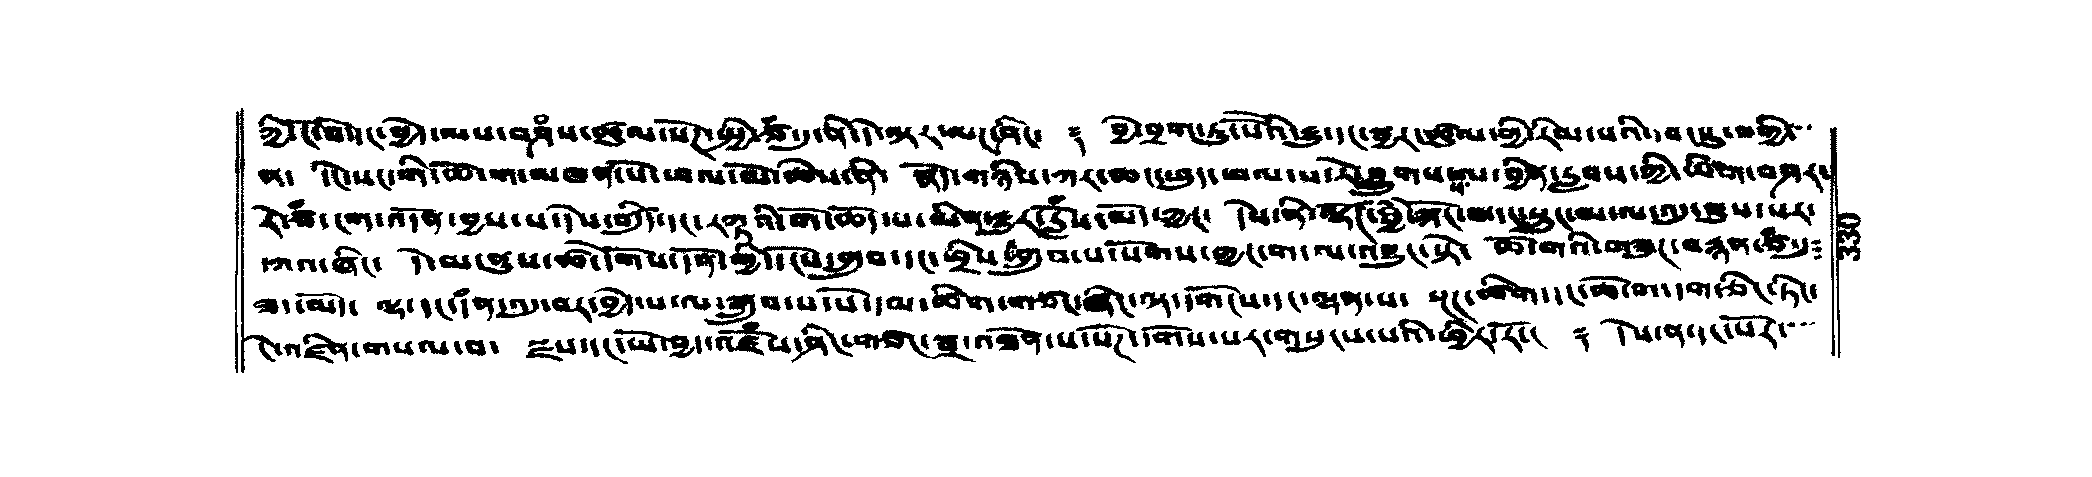ཀྱི་ངོ་བོ་དང་བྱེད་ལས་བཤམས་ཚུལ་་སོགས་སྤྱི་ཙམ་དུ་ནི་དེ་ལྟར་ལགས་ཤིང་།༈ བྱེ་བྲག་ཏུ་སོ་སོའི་རྒྱུད་དང་སྦྱར་ཚུལ་གྱི་རིམ་པའི་དབང་དུ་བགྱི་
ན། དིང་སང་གི་ཆོ་ག་མཁན་པོ་ཕལ་མོ་ཆེས་ནི། སྣོད་གཉིས་ཀར་ཆང་ཕུད་ཕལ་བ་རེ་བླུགས་པ་ལ་བྱིན་རླབས་ཀྱི་ཚིག་བཤགས་
རེ་ཙམ་ངག་འདོན་བྱས་པ་དེས་བདུད་རྩི་དང་རཀྟའི་གོ་ཆོད་པ་ཡིན་རྒྱུར་རློམ་མོད་ཀྱང་། དེས་ནི་ལྷོ་ཕྱོགས་ཐུགས་རྗེ་སྐོང་མ་དང་སྲུང་མ་ལ་འདུ་ནུས་པར་
དཀའ་ཞིང་། དེ་མ་ནུས་ཚེ་དགོས་དོན་གྱི་དངོས་གྲུབ་དང་ཕྲིན་ལས་འགྲུབ་པ་སོགས་ཀྱང་ག་ལ་འབྱུང་སྟེ། ཆོ་གའི་གཟུགས་བརྙན་ཙམ་དུ་
ཟད་མོད། ལྷ་དང་དམ་ཅན་འདུ་བར་བྱེད་པ་ལ་སྒྲུབ་པ་པོ་དམ་ཚིག་གཙང་ཞིང་ལྟ་དགོངས་དང་ལྡན་པ། སྔགས་ཚིག་དང་ཆོ་ག་དག་ཅིང་ཏིང་
ངེ་འཛིན་གསལ་བ། རྫས་དང་ཡོ་བྱད་འཛོམས་ཤིང་གཙང་སྦྲ་འཐོན་པ་སོགས་དགོས་པར་གསུངས་ཕྱིར་རོ། ༈ དེས་ན་དང་པོར་